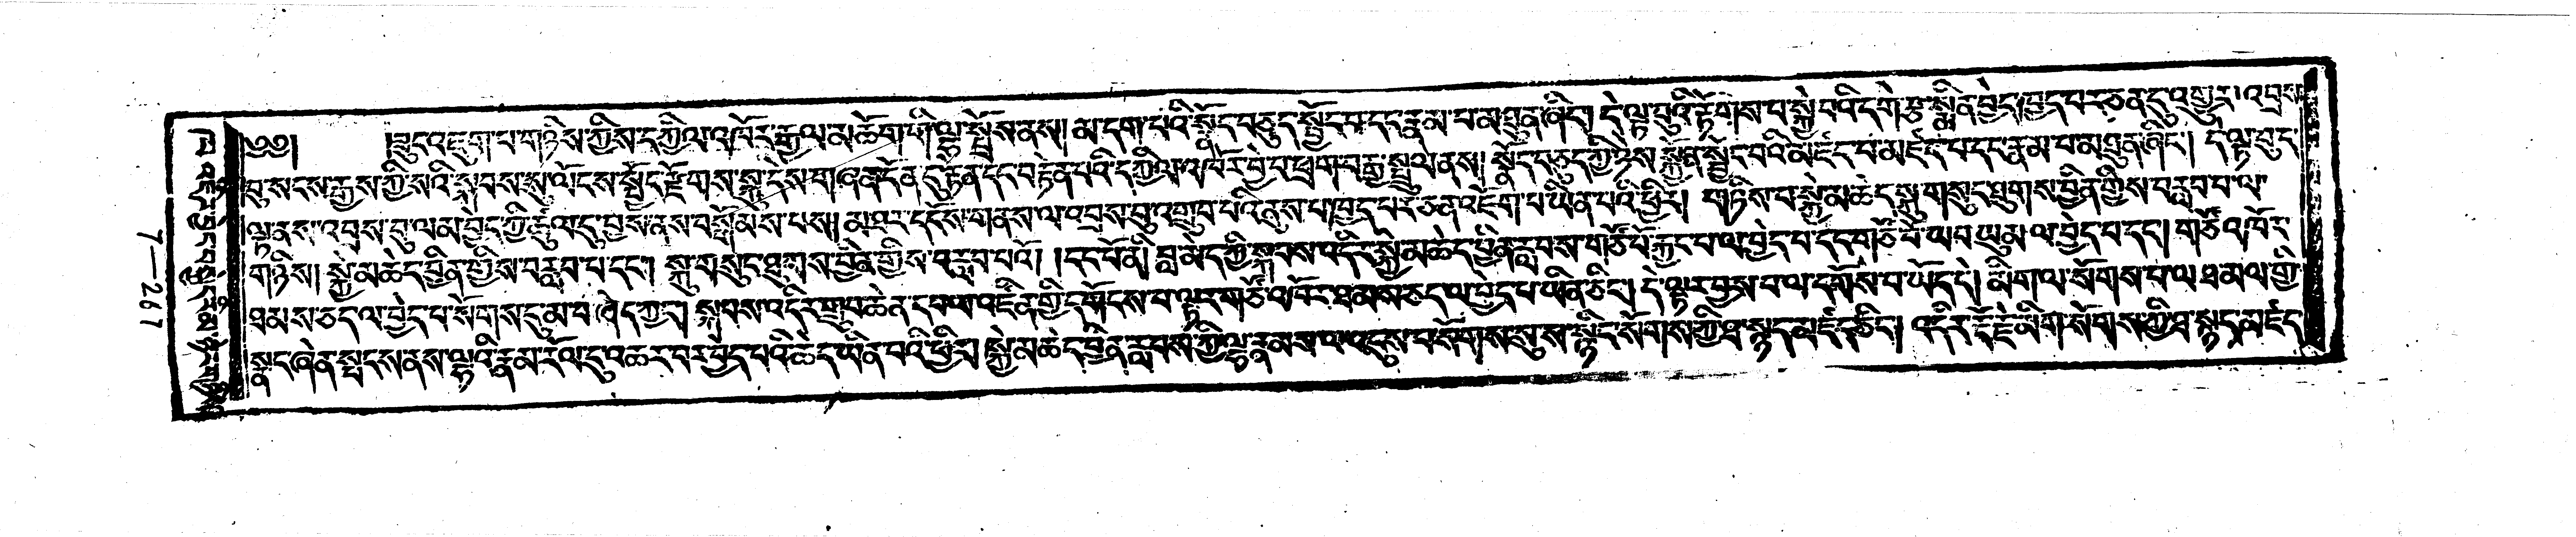༄༅། །ཟུང་འཇུག་པ་གཉིས་ཀྱིས་དཀྱིལ་འཁོར་རྒྱལ་མཆོག་གི་ལྷ་སྤྲོས་ནས། མ་དག་པའི་སྣོད་བཅུད་སྦྱོང་བ་དང་རྣམ་པ་མཐུན་ཞིང་། དེ་ལྟ་བུའི་རྟོགས་པ་སྐྱེ་བའི་དགེ་རྩ་སྨིན་བྱེད་ཁྱད་པར་ཅན་དུ་འགྱུར། འབྲས་
བུ་སངས་རྒྱས་ཀྱི་སའི་སྐབས་སུ་ལོངས་སྤྱོད་རྫོགས་སྐུ་དེས་གཞན་དོན་དུ་རྟེན་དང་བརྟེན་པའི་དཀྱིལ་འཁོར་བྱེ་བ་ཕྲག་བརྒྱ་སྤྲུལ་ནས། སྣོད་བཅུད་ཀྱི་ཉེས་སྐྱོན་སྦྱོང་བའི་མཛད་པ་མཛད་པ་དང་རྣམ་པ་མཐུན་ཞིང་། དེ་ལྟ་བུ་ད་
ལྟ་ནས་འབྲས་བུ་ལམ་བྱེད་ཀྱི་ཚུལ་དུ་བྱས་ནས་བསྒོམས་པས། མཐར་དངོས་གནས་ལ་འབྲས་བུ་འགྲུབ་པའི་ནུས་པ་ཁྱད་པར་ཅན་འཇོག་པ་ཡིན་པའི་ཕྱིར། གཉིས་པ་སྐྱེ་མཆེད་སྐུ་གསུང་ཐུགས་བྱིན་གྱིས་བརླབ་པ་ལ་
གཉིས། སྐྱེ་མཆེད་བྱིན་གྱིས་བརླབ་པ་དང་། སྐུ་གསུང་ཐུགས་བྱིན་གྱིས་བརླབ་པའོ། །དང་པོ་ནི། བླ་མེད་ཀྱི་སྐབས་འདིར་སྐྱེ་མཆེད་བྱིན་རླབས་གཙོ་བོ་རྐྱང་པ་ལ་བྱེད་པ་དང་གཙོ་བོ་ཡབ་ཡུམ་ལ་བྱེད་པ་དང་། གཙོ་འཁོར་
ཐམས་ཅད་ལ་བྱེད་པ་སོགས་དུ་མ་བཤད་ཀྱང་། སྐབས་འདིར་གྲུབ་ཆེན་དཔལ་འཛིན་གྱི་དགོངས་པ་ལྟར་གཙོ་འཁོར་ཐམས་ཅད་ལ་བྱེད་པ་ཡིན་ཅིང་། དེ་ལྟར་བྱས་པ་ལ་དགོས་པ་ཡོད་དེ། མིག་ལ་སོགས་པ་ལ་ཐ་མལ་གྱི་
སྣང་ཞེན་སྤངས་ནས་ལྷའི་རྣམ་རོལ་དུ་འཆར་བར་བྱེད་པའི་ཆེད་ཡིན་པའི་ཕྱིར། སྐྱེ་མཆེད་བྱིན་རླབས་ཀྱི་ལྷ་རྣམས་ལ་འདུས་པ་སོགས་སུ་ས་སྙིང་སོགས་ཀྱི་ཐ་སྙད་མཛད་ཅིང་། འདིར་རྡོ་རྗེ་མིག་སོགས་ཀྱི་ཐ་སྙད་མཛད་